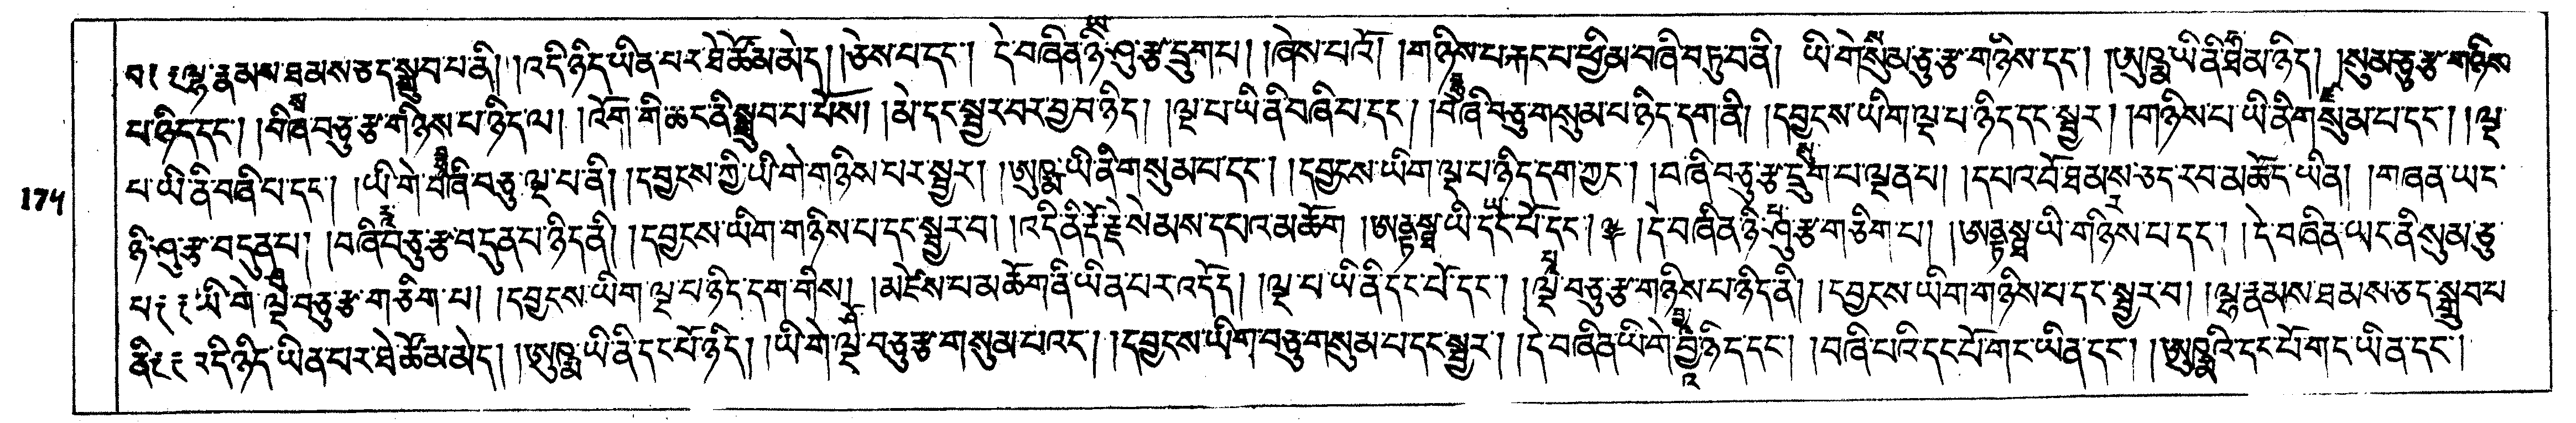བ༑ ༑ལྷ་རྣམས་ཐམས་ཅད་སྒྲུབ་པ་ནི། །འདི་ཉིད་ཡིན་པར་ཐེ་ཚོམ་མེད། །ཅེས་པ་དང་། དེ་བཞིན་ཡ་ཉི་ཤུ་རྩ་དྲུག་པ། །ཞེས་པའོ། །གཉིས་པ་རྐང་པ་ཕྱི་མ་བཞི་བཏུ་བ་ནི། ཡི་གེ་ས་སུམ་ཅུ་རྩ་གཉིས་དང་། །ཨུཥྨ་ཡི་ནི་ཧ་ཐ་མ་ཉིད། །སུམ་ཅུ་རྩ་གཉིས་
པ་ཉིད་དང་། །བཞི་བཅུ་སཱ་རྩ་གཉིས་པ་ཉིད་ལ། །འོག་གི་ཆང་ནི་སྒྲུབ་པ་པོས། །མེ་དང་སྦྱར་བར་བྱ་བ་ཉིད། །ལྔ་པ་ཡི་ནི་བཞི་པ་དང་། །བཟི་བཅུ་བྷུ་གསུམ་པ་ཉིད་དག་ནི། །དབྱངས་ཡིག་ལྔ་པ་ཉིད་དང་སྦྱར། །གཉིས་པ་ཡི་ནི་ཛ་གསུམ་པ་དང་། །ལྔ་
པ་ཡི་ནི་བཞི་པ་དང་། །ཡི་གེ་བྷཱ་བཞི་བཅུ་ལྔ་པ་ནི། །དབྱངས་ཀྱི་ཡི་གེ་གཉིས་པར་སྦྱར། །ཨུཥྨ་ཡི་ནི་གསུམ་པ་དང་། །དབྱངས་ཡིག་ལྔ་པ་ཉིད་དག་ཀྱང་། །བཞི་བཅུ་རྩ་དྲུག་མུ་པ་ལྡན་པ། །དཔའ་བོ་ཐམས་ཅད་རབ་མཆོད་ཡིན། །གཞན་ཡང་
ཉི་ཤུ་རྩ་བདུན་པ། །བཞི་བཅུ་རཱ་རྩ་བདུན་པ་ཉིད་ནི། །དབྱངས་ཡིག་གཉིས་པ་དང་སྦྱར་བ། །འདི་ནི་རྡོ་རྗེ་སེམས་དཔའ་མཆོག །ཨནྟ་སྠ་ཡི་ཡ་དང་པོ་དང་། ༈ །དེ་བཞིན་ཉི་ཤུ་པ་རྩ་གཅིག་པ། །ཨནྟ་སྠ་ཡི་ར་གཉིས་པ་དང་། །དེ་བཞིན་ཡང་ནི་སུམ་ཅུ་
པ༑ ༑ཡི་གེ་ཤུ་ལྔ་བཅུ་རྩ་གཅིག་པ། །དབྱངས་ཡིག་ལྔ་པ་ཉིད་དག་གིས། །མཛེས་པ་མཆོག་ནི་ཡིན་པར་འདོད། །ལྔ་པ་ཡི་ནི་དང་པོ་དང་། ། པཱ་ལྔ་བཅུ་རྩ་གཉིས་པ་ཉིད་ནི། །དབྱངས་ཡིག་གཉིས་པ་དང་སྦྱར་བ། །ལྷ་རྣམས་ཐམས་ཅད་སྒྲུབ་པ་
ནི༑ ༑འདི་ཉིད་ཡིན་པར་ཐེ་ཚོམ་མེད། །ཨུཥྨ་ཡི་ནི་དང་པོ་ཉིད། །ཡི་གེ་ཤོ་ལྔ་བཅུ་རྩ་གསུམ་པའང་། །དབྱངས་ཡིག་བཅུ་གསུམ་པ་དང་སྦྱར། །དེ་བཞིན་ཡི་གེ་བྱཱ་བྱཱ་ཉིད་དང་། །བཞི་པའི་དང་པོ་གང་ཡིན་དང་། །ཨུཥྨའི་དང་པོ་གང་ཡིན་དང་།